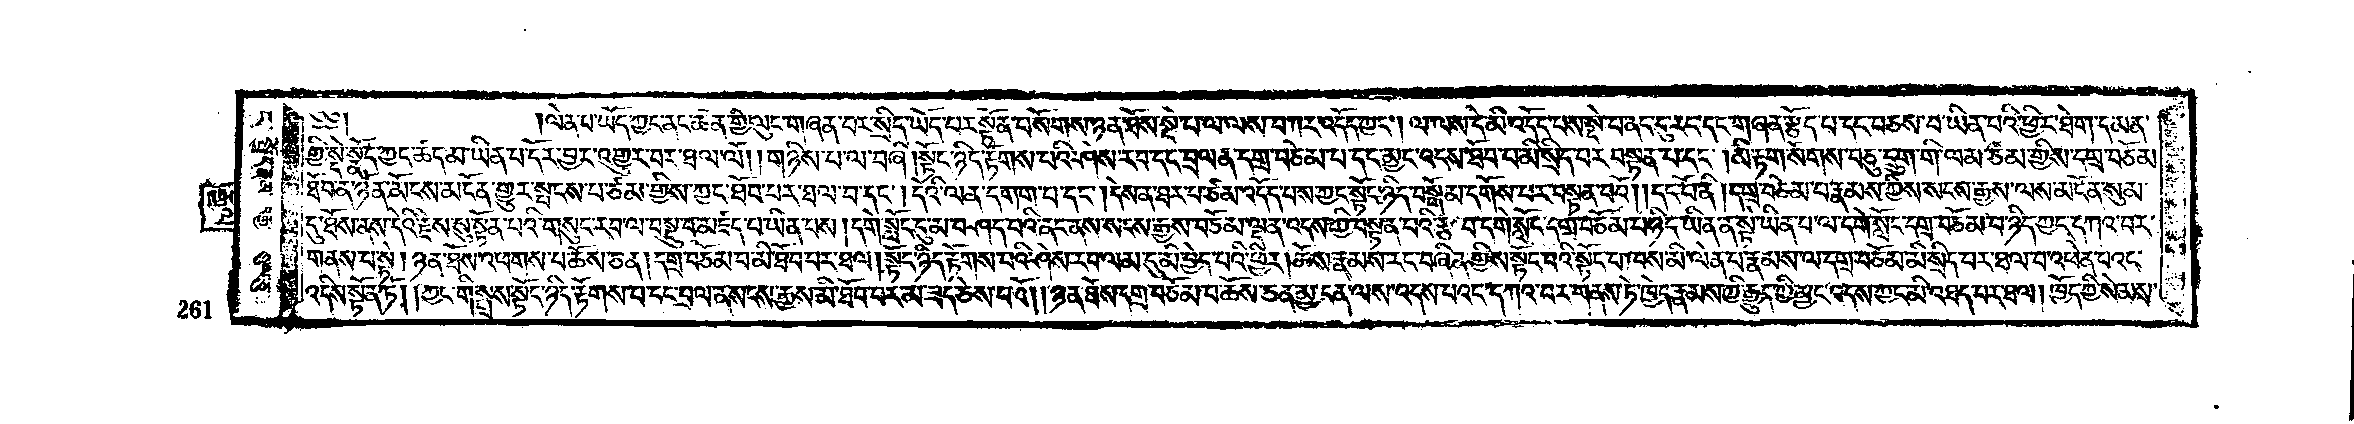༄༅། །ལེན་པ་ཡོད་ཀྱང་ནང་ཚན་གྱི་ལུང་གཞན་པར་སྲིད་ཡོད་པར་སྟོན་པ་སོགས་ཉན་ཐོས་སྡེ་པ་ལ་ལས་བཀར་འདོད་ཀྱང་། ལ་ལས་དེ་མི་འདོད་པས་སྡེ་པ་ནང་དུ་རང་དང་གཞན་རྩོད་པ་དང་བཅས་པ་ཡིན་པའི་ཕྱིར་ཐེག་དམན་
གྱི་སྡེ་སྣོད་ཀྱང་ཚད་མ་ཡིན་པ་དོར་བྱར་འགྱུར་པར་ཐལ་ལོ། །གཉིས་པ་ལ་བཞི། སྟོང་ཉིད་རྟོགས་པའི་ཤེས་རབ་དང་བྲལ་ན་དགྲ་བཅོམ་པ་དང་མྱང་འདས་ཐོབ་པ་མི་སྲིད་པར་བསྟན་པ་དང་། མི་རྟག་སོགས་བཅུ་དྲུག་གི་ལམ་ཙམ་གྱིས་དགྲ་བཅོམ་
ཐོབ་ན་ཉོན་མོངས་གྱུར་སྤངས་པ་ཙམ་གྱིས་ཀྱང་ཐོབ་པར་ཐལ་བ་དང་། དེའི་ལན་དགག་པ་དང་། དེས་ན་ཐར་པ་ཙམ་འདོད་པས་ཀྱང་སྟོང་ཉིད་བསྒོམ་དགོས་པར་བསྟན་པའོ། །དང་པོ་ནི། དགྲ་བཅོམ་པ་རྣམས་ཀྱིས་སངས་རྒྱས་ལས་མངོན་སུམ་
དུ་ཐོས་ནས་དེའི་རྗེས་སུ་སྟོང་པའི་གསུང་རབ་ལ་བསྡུ་བ་མཛད་པ་ཡིན་པས། དགེ་སློང་དུ་མ་བཤད་པའི་ནང་ནས་སངས་རྒྱས་བཅོམ་ལྡན་འདས་ཀྱི་བསྟན་པའི་རྩ་བ་དགེ་སློང་དགྲ་བཅོམ་པ་ཉིད་ཡིན་ན་སྟེ་ཡིན་པ་ལ་དགེ་སློང་དགྲ་བཅོམ་པ་ཉིད་ཀྱང་དཀའ་བར་
གནས་པ་སྟེ། ཉན་ཐོས་འཕགས་པ་ཆོས་ཅན། དགྲ་བཅོམ་པ་མི་ཐོབ་པར་ཐལ། སྟོང་ཉིད་རྟོགས་པའི་ཤེས་རབ་ལམ་དུ་མི་བྱེད་པའི་ཕྱིར། །ཆོས་རྣམས་རང་བཞིན་གྱིས་སྟོང་པའི་སྟོང་པ་ཁས་མི་ལེན་པ་རྣམས་ལ་དགྲ་བཅོམ་མི་སྲིད་པར་ཐལ་བ་འཕེན་པའང་
འདིས་སྟོན་ཏོ། །ཀྱང་གི་སྒྲས་སྟོང་ཉིད་རྟོགས་པ་དང་བྲལ་ན་སངས་རྒྱས་མི་ཐོབ་པར་མ་ཟད་ཅེས་པའོ། །ཉན་ཐོས་དགྲ་བཅོམ་པ་ཆོས་ཅན་མྱ་ངན་ལས་འདས་པའང་དཀའ་བར་གནས་ཏེ་ཁྱེད་རྣམས་ཀྱི་རྒྱུད་ཀྱི་མྱང་འདས་ཀྱང་མི་འཐད་པར་ཐལ། ཁྱོད་ཀྱི་སེམས་